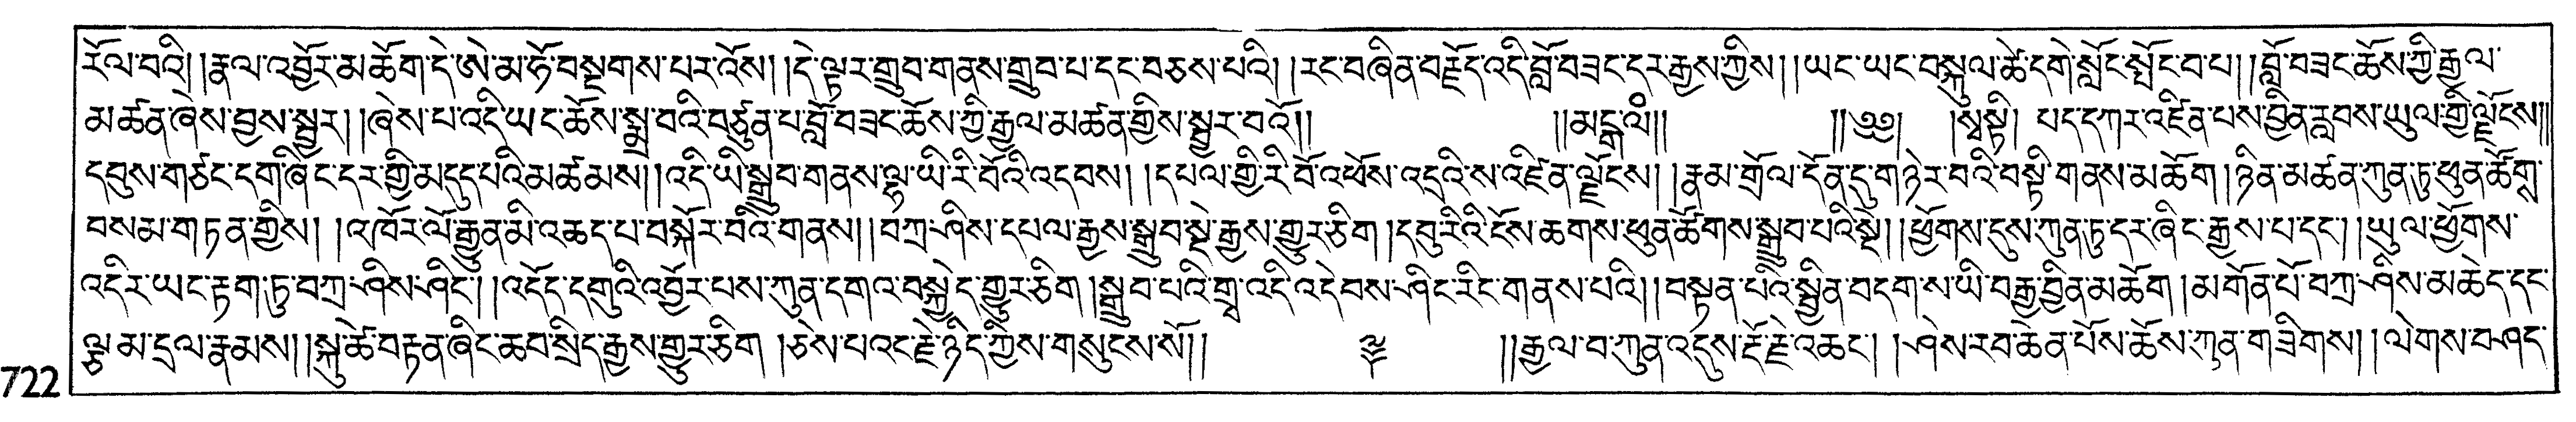རོལ་བའི། །རྣལ་འབྱོར་མཆོག་དེ་ཨེ་མ་ཧོ་བསྔགས་པར་འོས། །དེ་ལྟར་གྲུབ་གནས་གྲུབ་པ་དང་བཅས་པའི། །རང་བཞིན་བརྗོད་འདི་བློ་བཟང་དར་རྒྱས་ཀྱིས། །ཡང་ཡང་བསྐུལ་ཚེ་དགེ་སློང་སྤོང་བ་པ། །བློ་བཟང་ཆོས་ཀྱི་རྒྱལ་
མཚན་ཞེས་བྱས་སྦྱར། །ཞེས་པ་འདི་ཡང་ཆོས་སྨྲ་བའི་བཙུན་པ་བློ་བཟང་ཆོས་ཀྱི་རྒྱལ་མཚན་གྱིས་སྦྱར་བའོ།། །།མངྒ་ལཾ།། །། ༄༅་། །སྭ་སྟི། པད་དཀར་འཛིན་པས་བྱིན་རླབས་ཡུལ་གྱི་ལྗོངས། །
དབུས་གཙང་དག་ཞིང་དར་གྱི་མདུད་པའི་མཚམས། །འདི་ཡི་སྒྲུབ་གནས་ལྷ་ཡི་རི་བོའི་འདབས། །དཔལ་གྱི་རི་བོ་འཕོས་འདྲའི་ས་འཛིན་ལྗོངས། །རྣམ་གྲོལ་དོན་དུ་གཉེར་བའི་བསྟི་གནས་མཆོག །ཉིན་མཚན་ཀུན་ཏུ་ཕུན་ཚོགས་
བསམ་གཏན་གྱིས། །འཁོར་ལོ་རྒྱུན་མི་འཆད་པ་བསྐོར་བའི་གནས། །བཀྲ་ཤིས་དཔལ་རྒྱས་སྒྲུབ་སྡེ་རྒྱས་གྱུར་ཅིག །དབུ་རིའི་ངོས་ཆགས་ཕུན་ཚོགས་སྒྲུབ་པའི་སྡེ། །ཕྱོགས་དུས་ཀུན་ཏུ་དར་ཞིང་རྒྱས་པ་དང་། །ཡུལ་ཕྱོགས་
འདིར་ཡང་རྟག་ཏུ་བཀྲ་ཤིས་ཤིང་། །འདོད་དགུའི་འབྱོར་པས་ཀུན་དགའ་བསྐྱེད་གྱུར་ཅིག །སྒྲུབ་པའི་གྲྭ་འདི་འདེབས་ཤིང་རིང་གནས་པའི། །བསྟན་པའི་སྦྱིན་བདག་ས་ཡི་བརྒྱ་བྱིན་མཆོག །མགོན་པོ་བཀྲ་ཤིས་མཆེད་དང་
ལྕམ་དྲལ་རྣམས། །སྐུ་ཚེ་བརྟན་ཞིང་ཆབ་སྲིད་རྒྱས་གྱུར་ཅིག །ཅེས་པའང་རྗེ་ཉིད་ཀྱིས་གསུངས་སོ།། ༈ །།རྒྱལ་བ་ཀུན་འདུས་རྡོ་རྗེ་འཆང་། །ཤེས་རབ་ཆེན་པོས་ཆོས་ཀུན་གཟིགས། །ལེགས་བཤད་